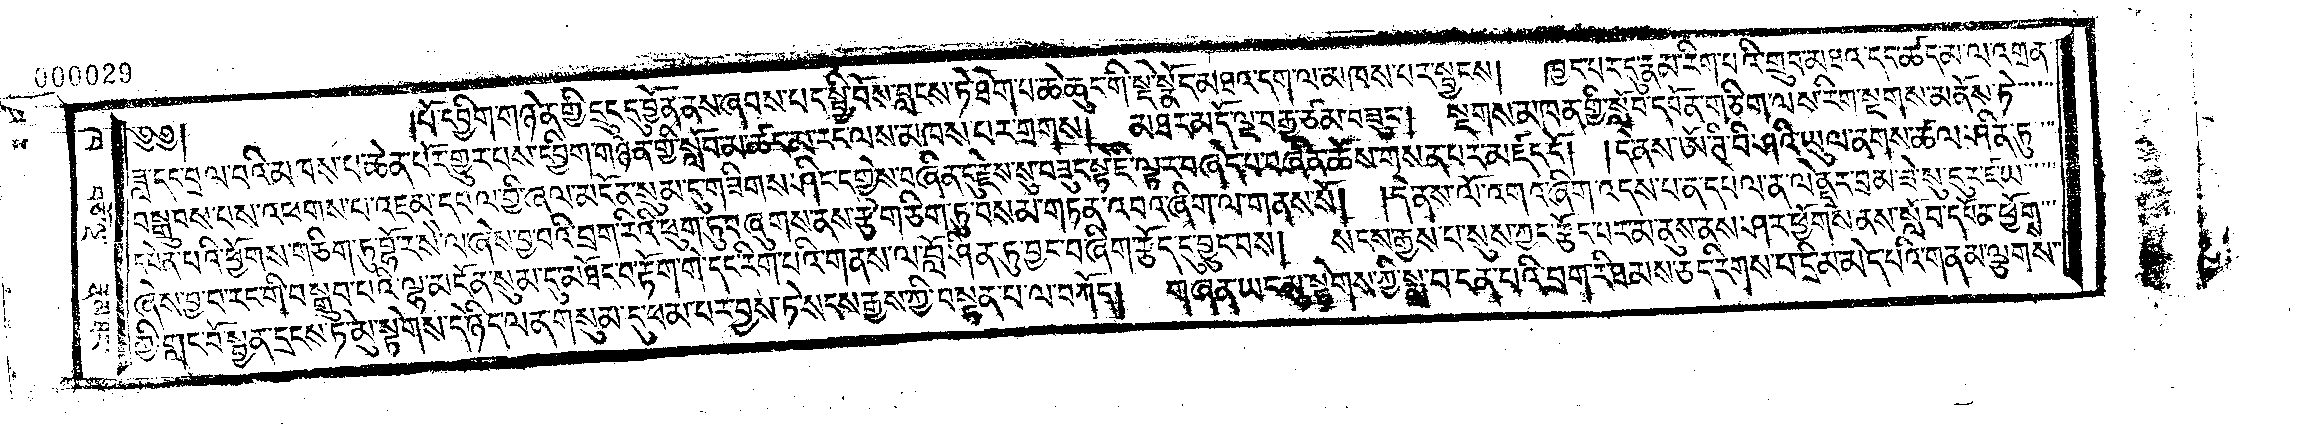༄༅། །པོ་དབྱིག་གཉེན་གྱི་དྲུང་དུ་བྱོན་ནས་ཞབས་པད་སྤྱི་བོས་བླངས་ཏེ་ཐེག་པ་ཆེ་ཆུང་གི་སྡེ་སྣོད་མཐའ་དག་ལ་མཁས་པར་སྦྱངས། ཁྱད་པར་དུ་རྣམ་རིག་པའི་གྲུབ་མཐའ་དང་ཚད་མ་ལ་འགྲན་
ཟླ་དང་བྲལ་བའི་མཁས་པ་ཆེན་པོར་གྱུར་པས་དབྱིག་གཉེན་གྱི་སློབ་མ་ཚད་མ་རང་ལས་མཁས་པར་གྲགས། མཐར་མདོ་ལྔ་བརྒྱ་ཙམ་བཟུང་། སྔགས་མཁན་གྱི་སློབ་དཔོན་གཅིག་ལས་རིག་སྔགས་མནོས་ཏེ་
བསྒྲུབས་པས་འཕགས་པ་འཇམ་དཔལ་གྱི་ཞལ་མངོན་སུམ་དུ་གཟིགས་ཤིང་དགྱེས་བཞིན་དུ་རྗེས་སུ་བཟུང་སྟེ་ཇི་ལྟར་བཞེད་པ་བཞིན་ཆོས་གསན་པར་མཛད་དོ། །དེ་ནས་ཨོཊི་བི་ཤའི་ཡུལ་ནགས་ཚལ་ཤིན་ཏུ་
དབེན་པའི་ཕྱོགས་གཅིག་ཏུ་བྷོ་ར་སཻ་ལ་ཞེས་བྱ་བའི་བྲག་རིའི་ཕུག་ཏུ་བཞུགས་ནས་རྩེ་གཅིག་ཏུ་བསམ་གཏན་འབའ་ཞིག་ལ་གནས་སོ། །དེ་ནས་ལོ་འགའ་ཞིག་འདས་པ་ན་དཔལ་ན་ལེནྡྲར་བྲམ་ཟེ་སུ་དུར་ཛ་ཡ་
ཞེས་བྱ་བ་རང་གི་བསྒྲུབ་པའི་ལྷ་མངོན་སུམ་དུ་མཐོང་བརྟོག་གེ་དང་རིག་པའི་གནས་ལ་བློ་ཤིན་ཏུ་བྱང་བ་ཞིག་རྩོད་དུ་བྱུང་བས། སངས་རྒྱས་པ་སུས་ཀྱང་རྩོད་པར་མ་ནུས་ནས་ཤར་ཕྱོགས་ནས་སློབ་དཔོན་ཕྱོགས་
ཀྱི་གླང་པོ་སྤྱན་དྲངས་ཏེ་མུ་སྟེགས་དེ་ཉིད་ལན་གསུམ་དུ་ཕམ་པར་བྱས་ཏེ་སངས་རྒྱས་ཀྱི་བསྟན་པ་ལ་བཀོད། གཞན་ཡང་མུ་སྟེགས་ཀྱི་སྨྲ་བ་ངན་པའི་བྲག་རི་ཐམས་ཅད་རིགས་པ་དྲི་མ་མེད་པའི་གནམ་ལྕགས་